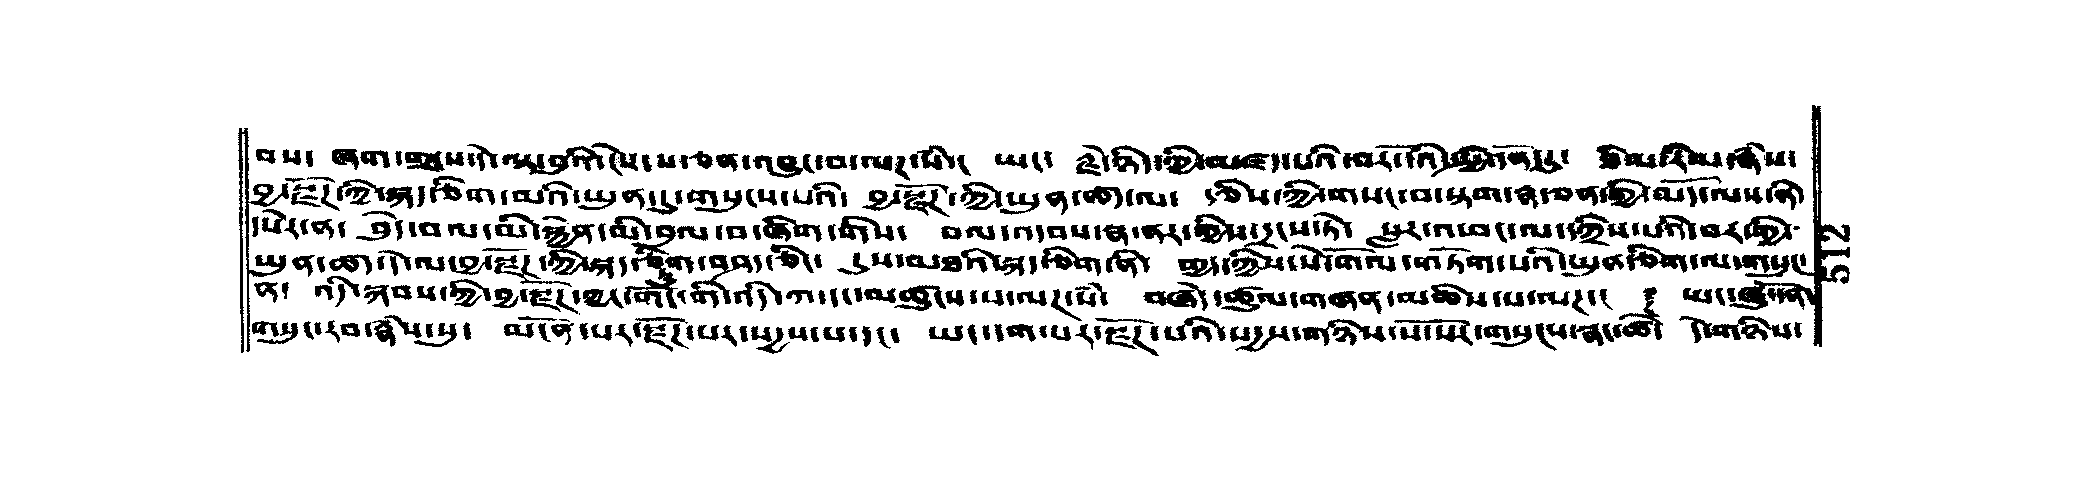བས། ཞག་གྲངས་དེ་ལྟ་བུའི་ངེས་པ་ཅན་འབྱུང་བ་ལགས་སམ། ཡང་། རྗེ་ཉིད་ཀྱི་མཛད་པའི་བར་དོའི་སྤྱི་དོན་དུ། ཐིམ་རིམ་རྣམས་
བྱ་རྫོགས་ཀྱི་སྐད་ཅིག་མའི་ཡུན་དུ་གསུངས་པའི། བྱ་རྫོགས་ཀྱི་ཡུན་ཚད་ལ། རྩིས་ཀྱི་གསང་བ་སྟག་རྣ་ཅན་གྱི་མདོ་ལས་ནི། 
དཔེར་ན། བུད་མེད་བལ་མི་སྐྱེན་མི་བུལ་བ་ཞིག་གིས། བལ་འདབ་སྣ་ནར་གྱིས་དྲངས་ཏེ། སླར་འཕང་ལ་དཀྲིས་པའི་བར་གྱི་
ཡུན་ཚད་དེ་ལ་བྱ་རྫོགས་ཀྱི་སྐད་ཅིག་ཏུ་བཤད་ཅིང་། དུས་མཐའི་སྐད་ཅིག་ནི། གྱད་ཀྱིས་སེ་གོལ་གཏོག་པའི་ཡུན་གཅིག་ལ་གསུངས་
ན། འདི་སྐབས་ཀྱི་བྱ་རྫོགས་ཀྱང་གོང་གི་འདི་ཀ་དང་མཚུངས་པ་ལགས་སམ། བཞེད་ཚུལ་གཞན་མཆིས་པ་ལགས། ༈ ཡང་ཞུ་དོན་
གསུང་རབ་རྣམས་སུ། མངོན་པར་རྫོགས་པར་སངས་རྒྱས་པ་དང་། ཡང་དག་པར་རྫོགས་པའི་སངས་རྒྱས་གཉིས་སོ་སོར་གསུངས་སྣང་ཚེ། དེ་གཉིས་